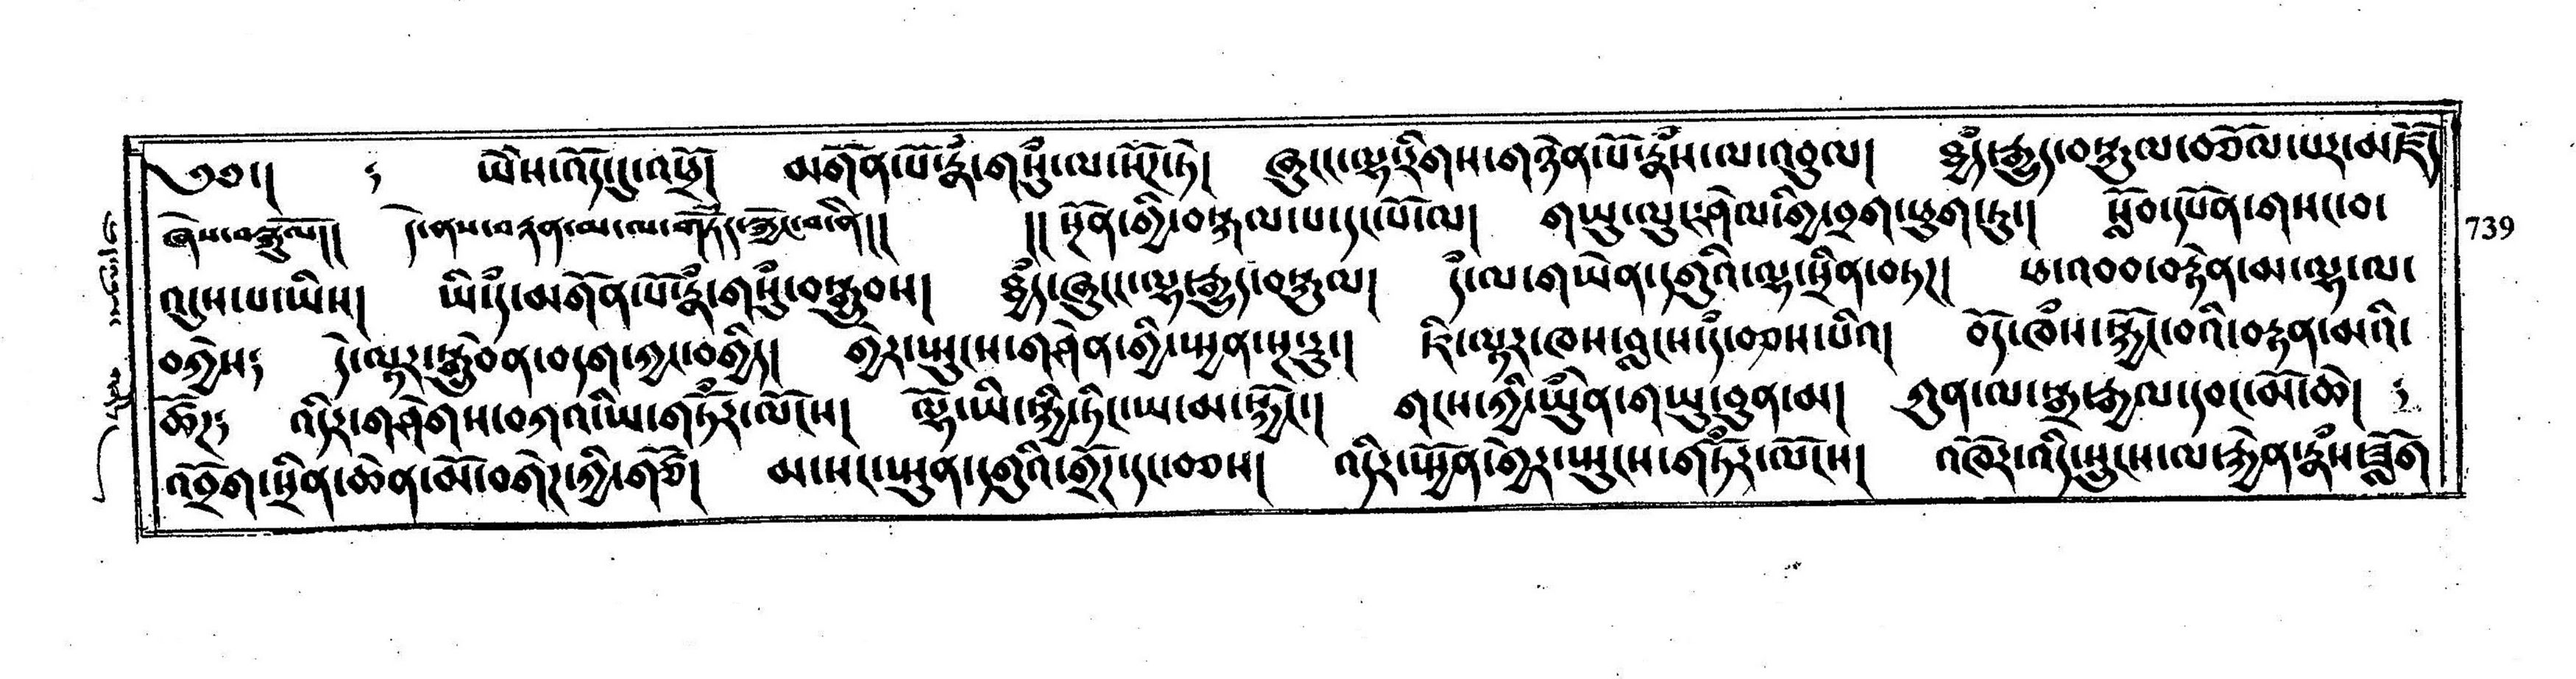ཡེ་ཤེས་འོད་དུ་འཕྲོ། མགོན་པོ་རྣམ་གསུམ་ལ་སོགས་ཏེ། ཞང་ཞུང་ལྷ་རིགས་གཉེན་པོ་རྣམས་ལ་འབུལ། ཐུགས་དམ་རྒྱུད་བསྐུལ་བཅོལ་པར་མཛོད། 
ཞེས་བསྐུལ་ལོ།། དེ་ནས་བརྟན་མ་ལ་གཏོར་མ་སྐྱོང་བ་ནི།། །།སྔོན་གྱི་བསྐལ་པ་དང་པོ་ལ། གཡུ་ལུང་ཤེལ་གྱི་བྲག་ཕུག་ཏུ། སློབ་དཔོན་གསང་བ་
འདུས་པ་ཡིས། ཡི་དམ་མགོན་པོ་རྣམ་གསུམ་བསྒྲུབས། ཐུགས་དམ་ཞང་ཞུང་ལྷ་རྒྱུད་བསྐུལ། དམ་ལ་གཡེན་དགུའི་ལྷ་སྲིན་བཏགས། ཕ་འབབ་བརྟེན་མ་ལྷ་ལ་
བཀྱེས། དེ་ལྟར་སྒྲུབ་གཤེན་བདག་ཀྱང་བགྱིད། གྱེར་སྤུངས་གཤེན་གྱི་སྤྱན་སྔ་རུ། ཇི་ལྟར་ཁས་བླངས་དམ་བཅས་པའི། བོད་ཁམས་སྐྱོང་བའི་བརྟན་མའི་
ཚོགས། འདིར་གཤེགས་བཀའ་ཡི་གཏོར་མ་ལོངས། ལྷོ་ཡི་སྐྱི་ཏིང་ཡ་མ་སྐྱོང་། གངས་ཀྱི་ཡུམ་ཆེན་གཡུ་བུན་མ། ཀུན་ལ་སྒྲ་རྒྱལ་དབང་མོ་ཆེ། 
འབྲོག་སྲིན་ཆེན་མོ་བགེགས་ཀྱི་གཙོ། མ་སང་སྤུན་དགུའི་གྲོགས་དང་བཅས། འདིར་སྤྱོན་གྱེར་སྤུངས་གཏོར་མ་ལོངས། འཁོར་འདི་སྲུངས་ལ་རྐྱེན་རྣམས་ཟློག